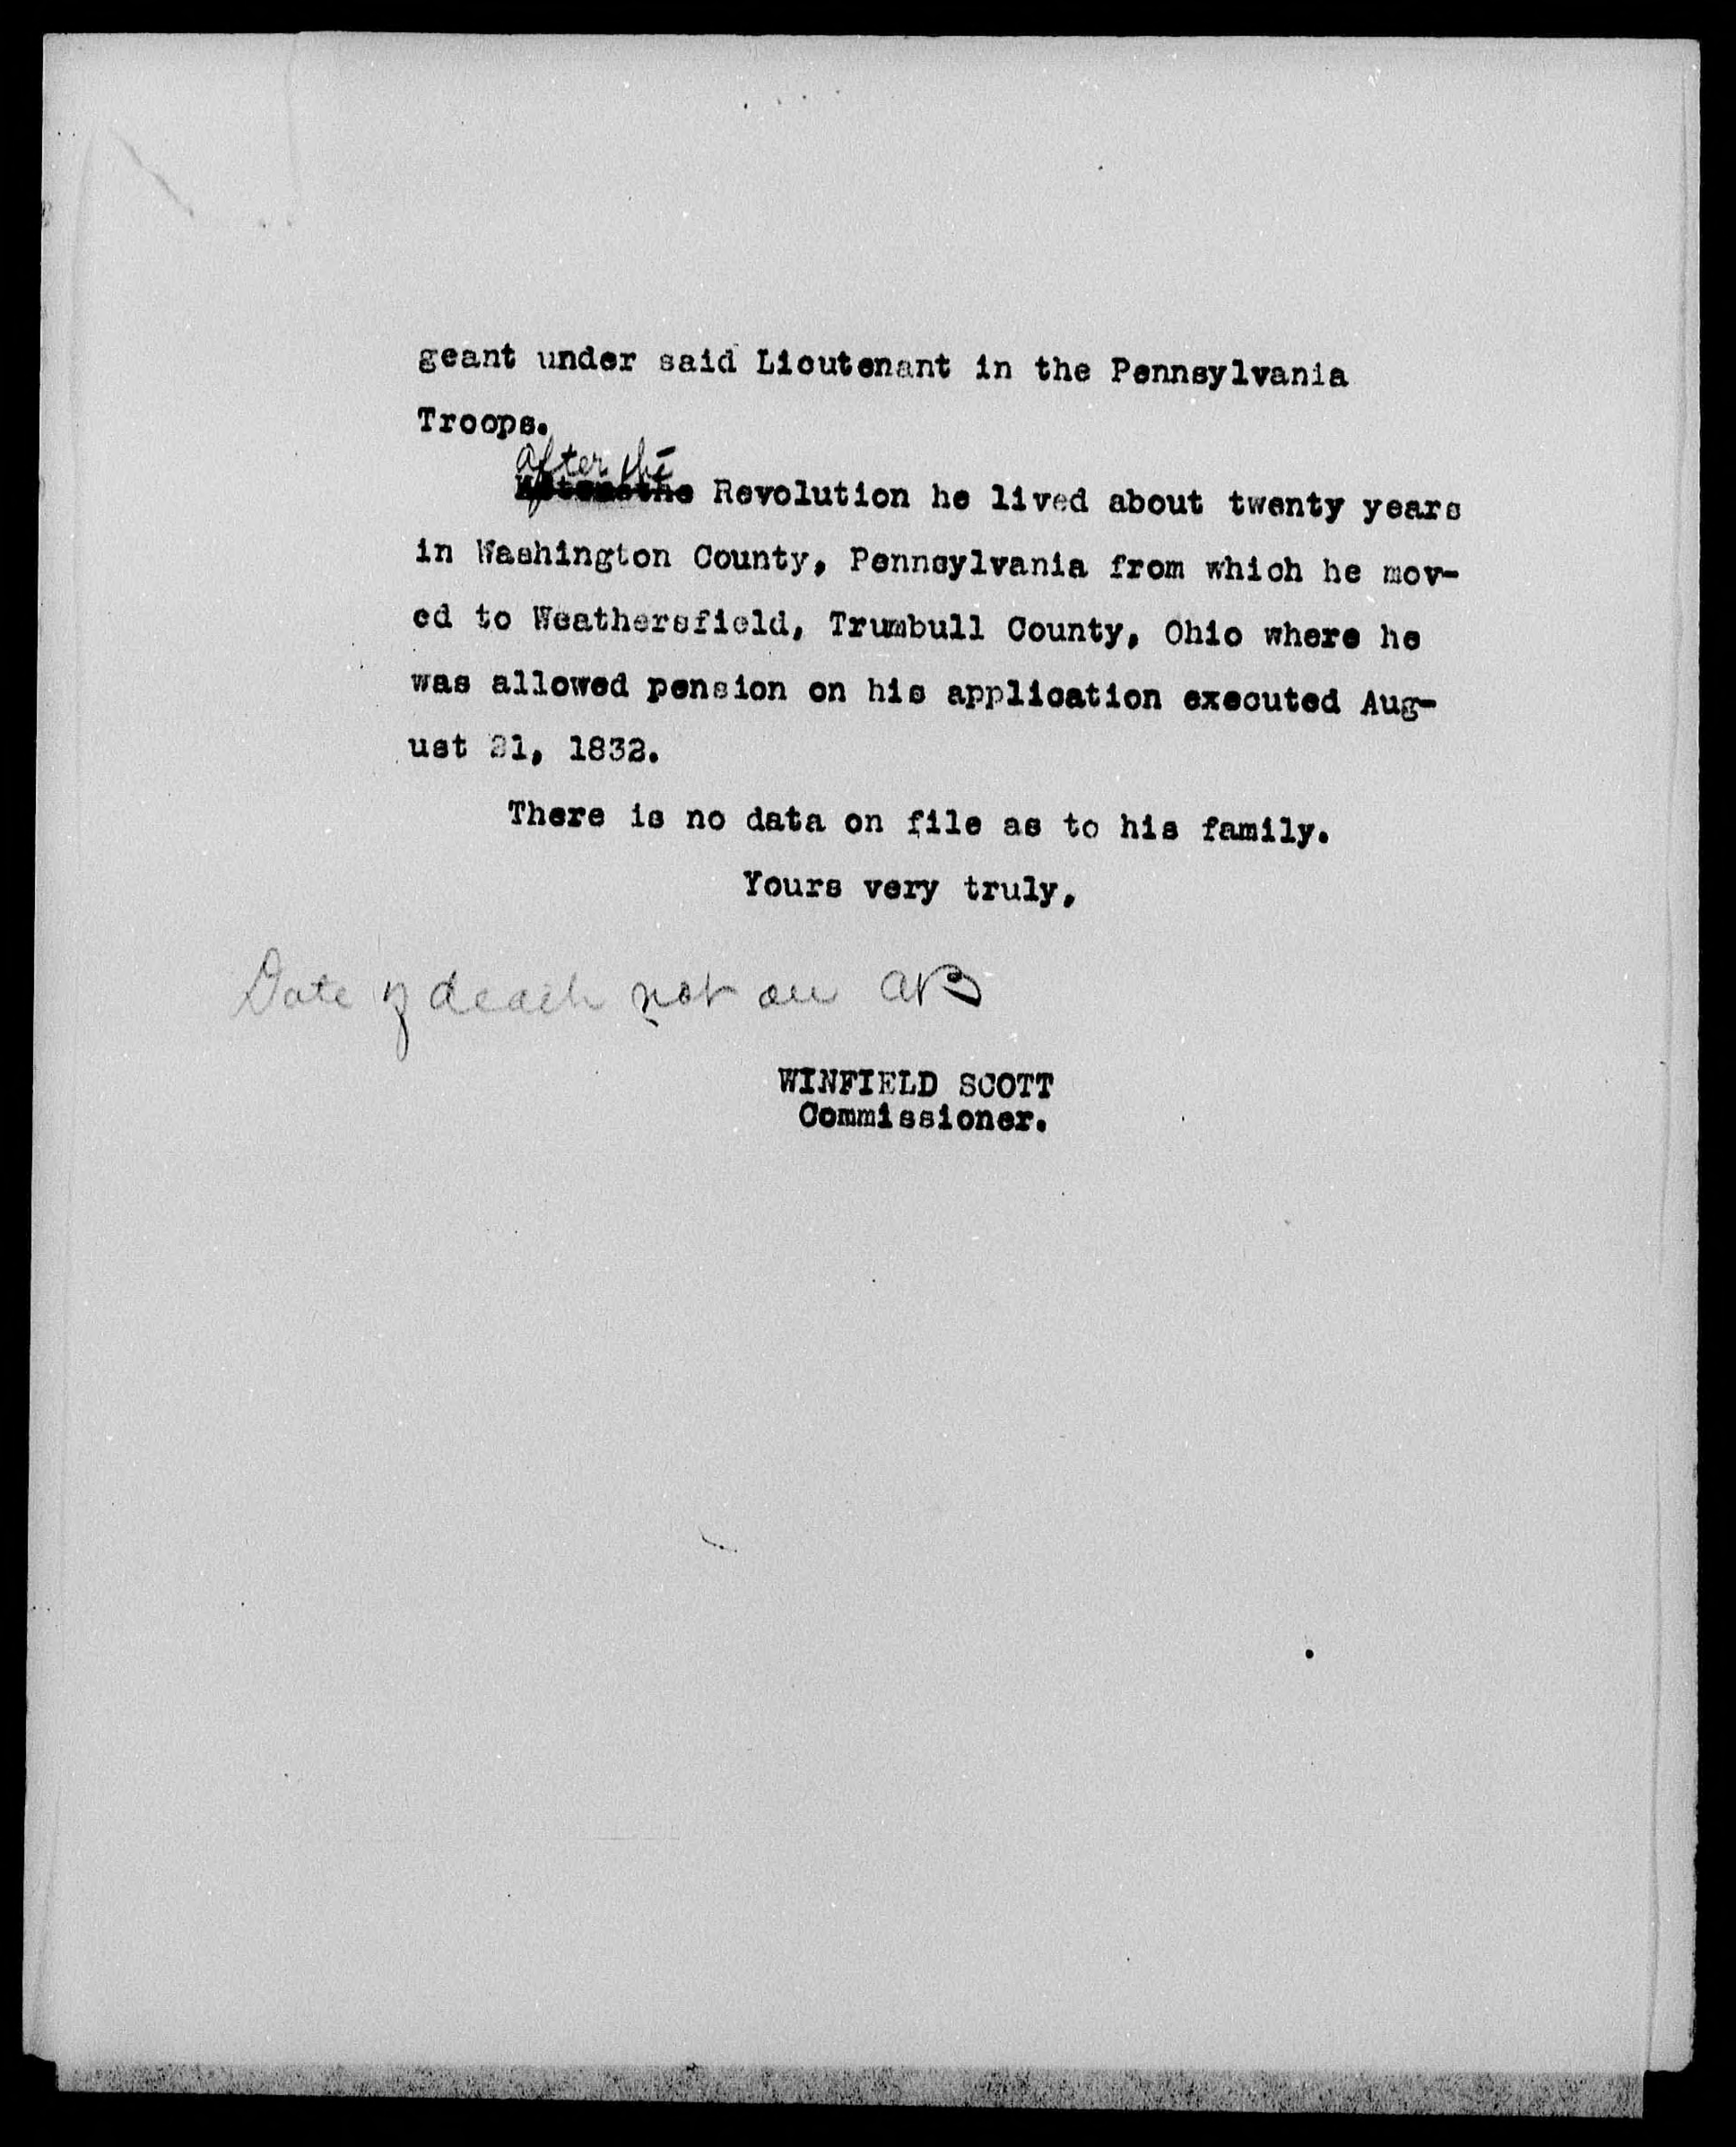Sergeant under said Lieutenant in the Pennsylvania Troops.
After the [handwritten] Revolution he lived about twenty years in Washington County, Pennsylvania from which he moved to Weathersfield, Trumbull County, Ohio where he was allowed pension on his application executed August 21, 1832.
There is no data on file as to his family.
Yours very truly,
[Handwritten] Date of death not all [illegible]
WINFIELD SCOTT
Commissioner.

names: Winfield Scott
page: 9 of 24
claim: survivor's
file: S. 15,415, William Dunlap, Penn.